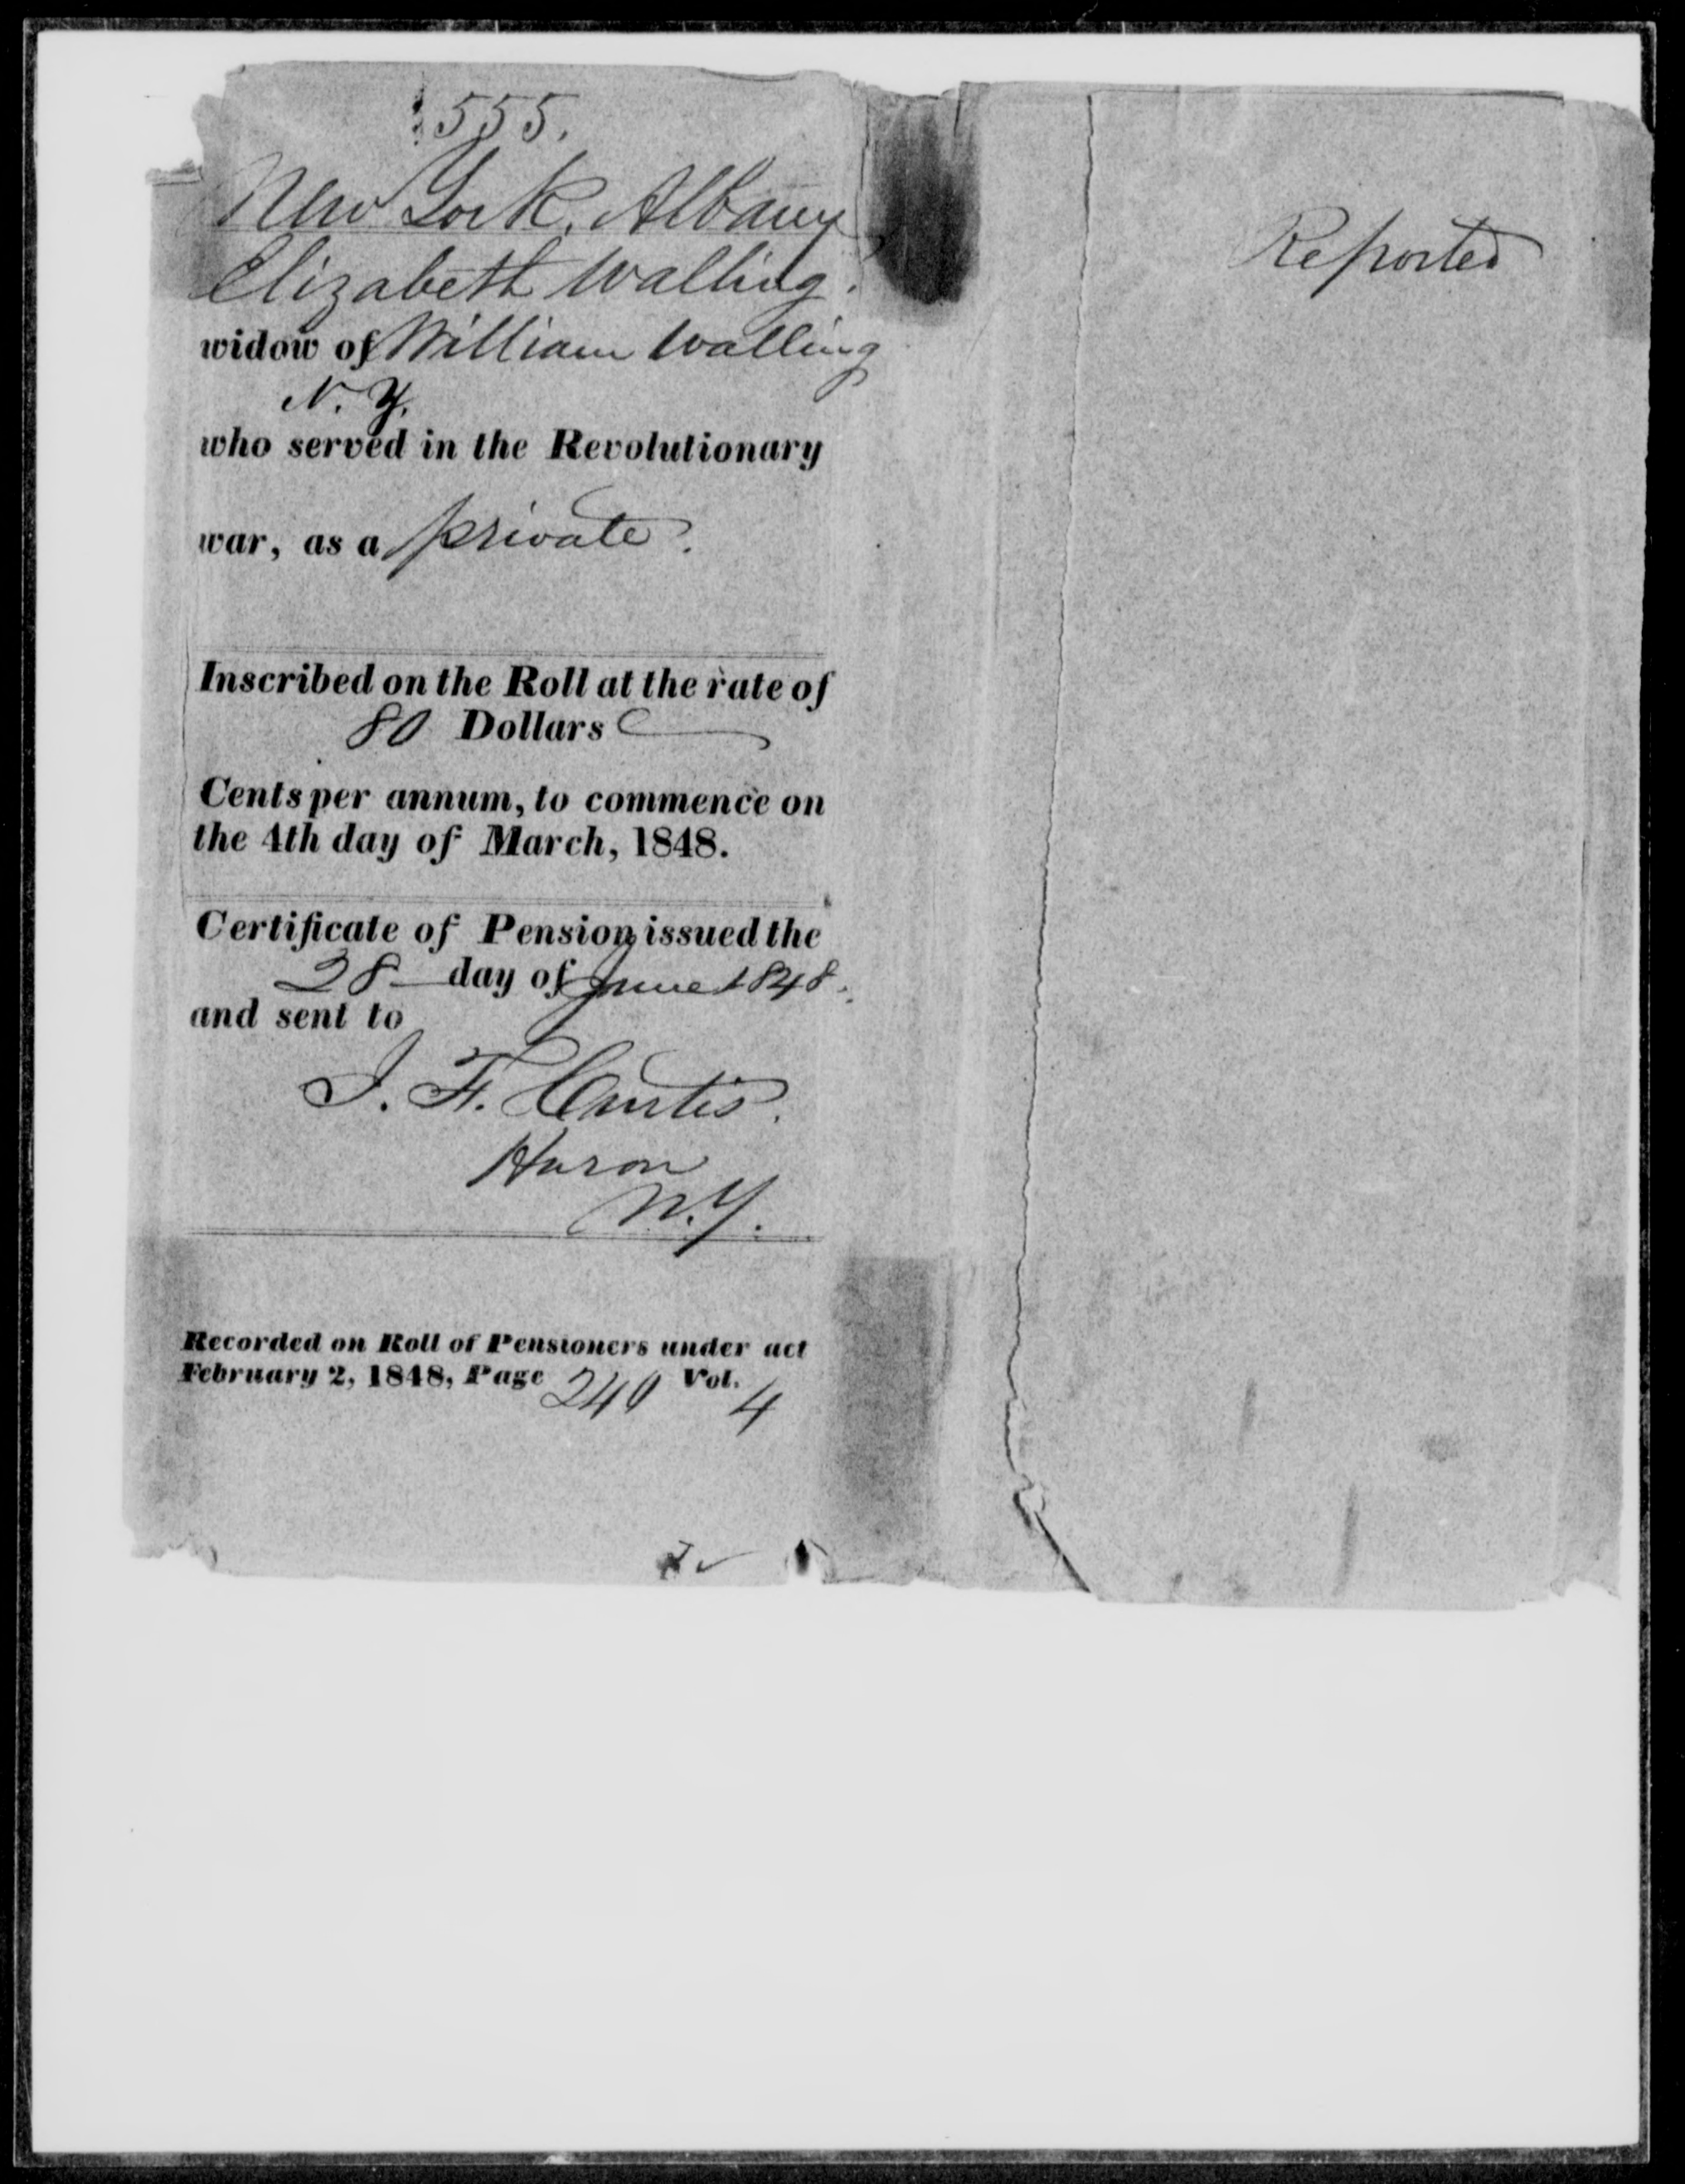555
New York, Albany
Elizabeth Walling widow of William Walling N.Y. who served in the Revolutionary war, as a private.  Inscribed on the Roll at the rate of 80 Dollars ------- Cents per annum to commence on the 4th day of March 1848.  Certificate of Pension issued the 28 day of June 1848 and sent to J.F. Curtis Huron N.Y. Recorded on Roll of Pensioners under act February 2, 1858, Page 240 Vol 4
Reported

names: Elizabeth Walling, J F Curtis, William Walling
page: 3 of 66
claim: widow's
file: W. 19588, William Walling, New Jersey